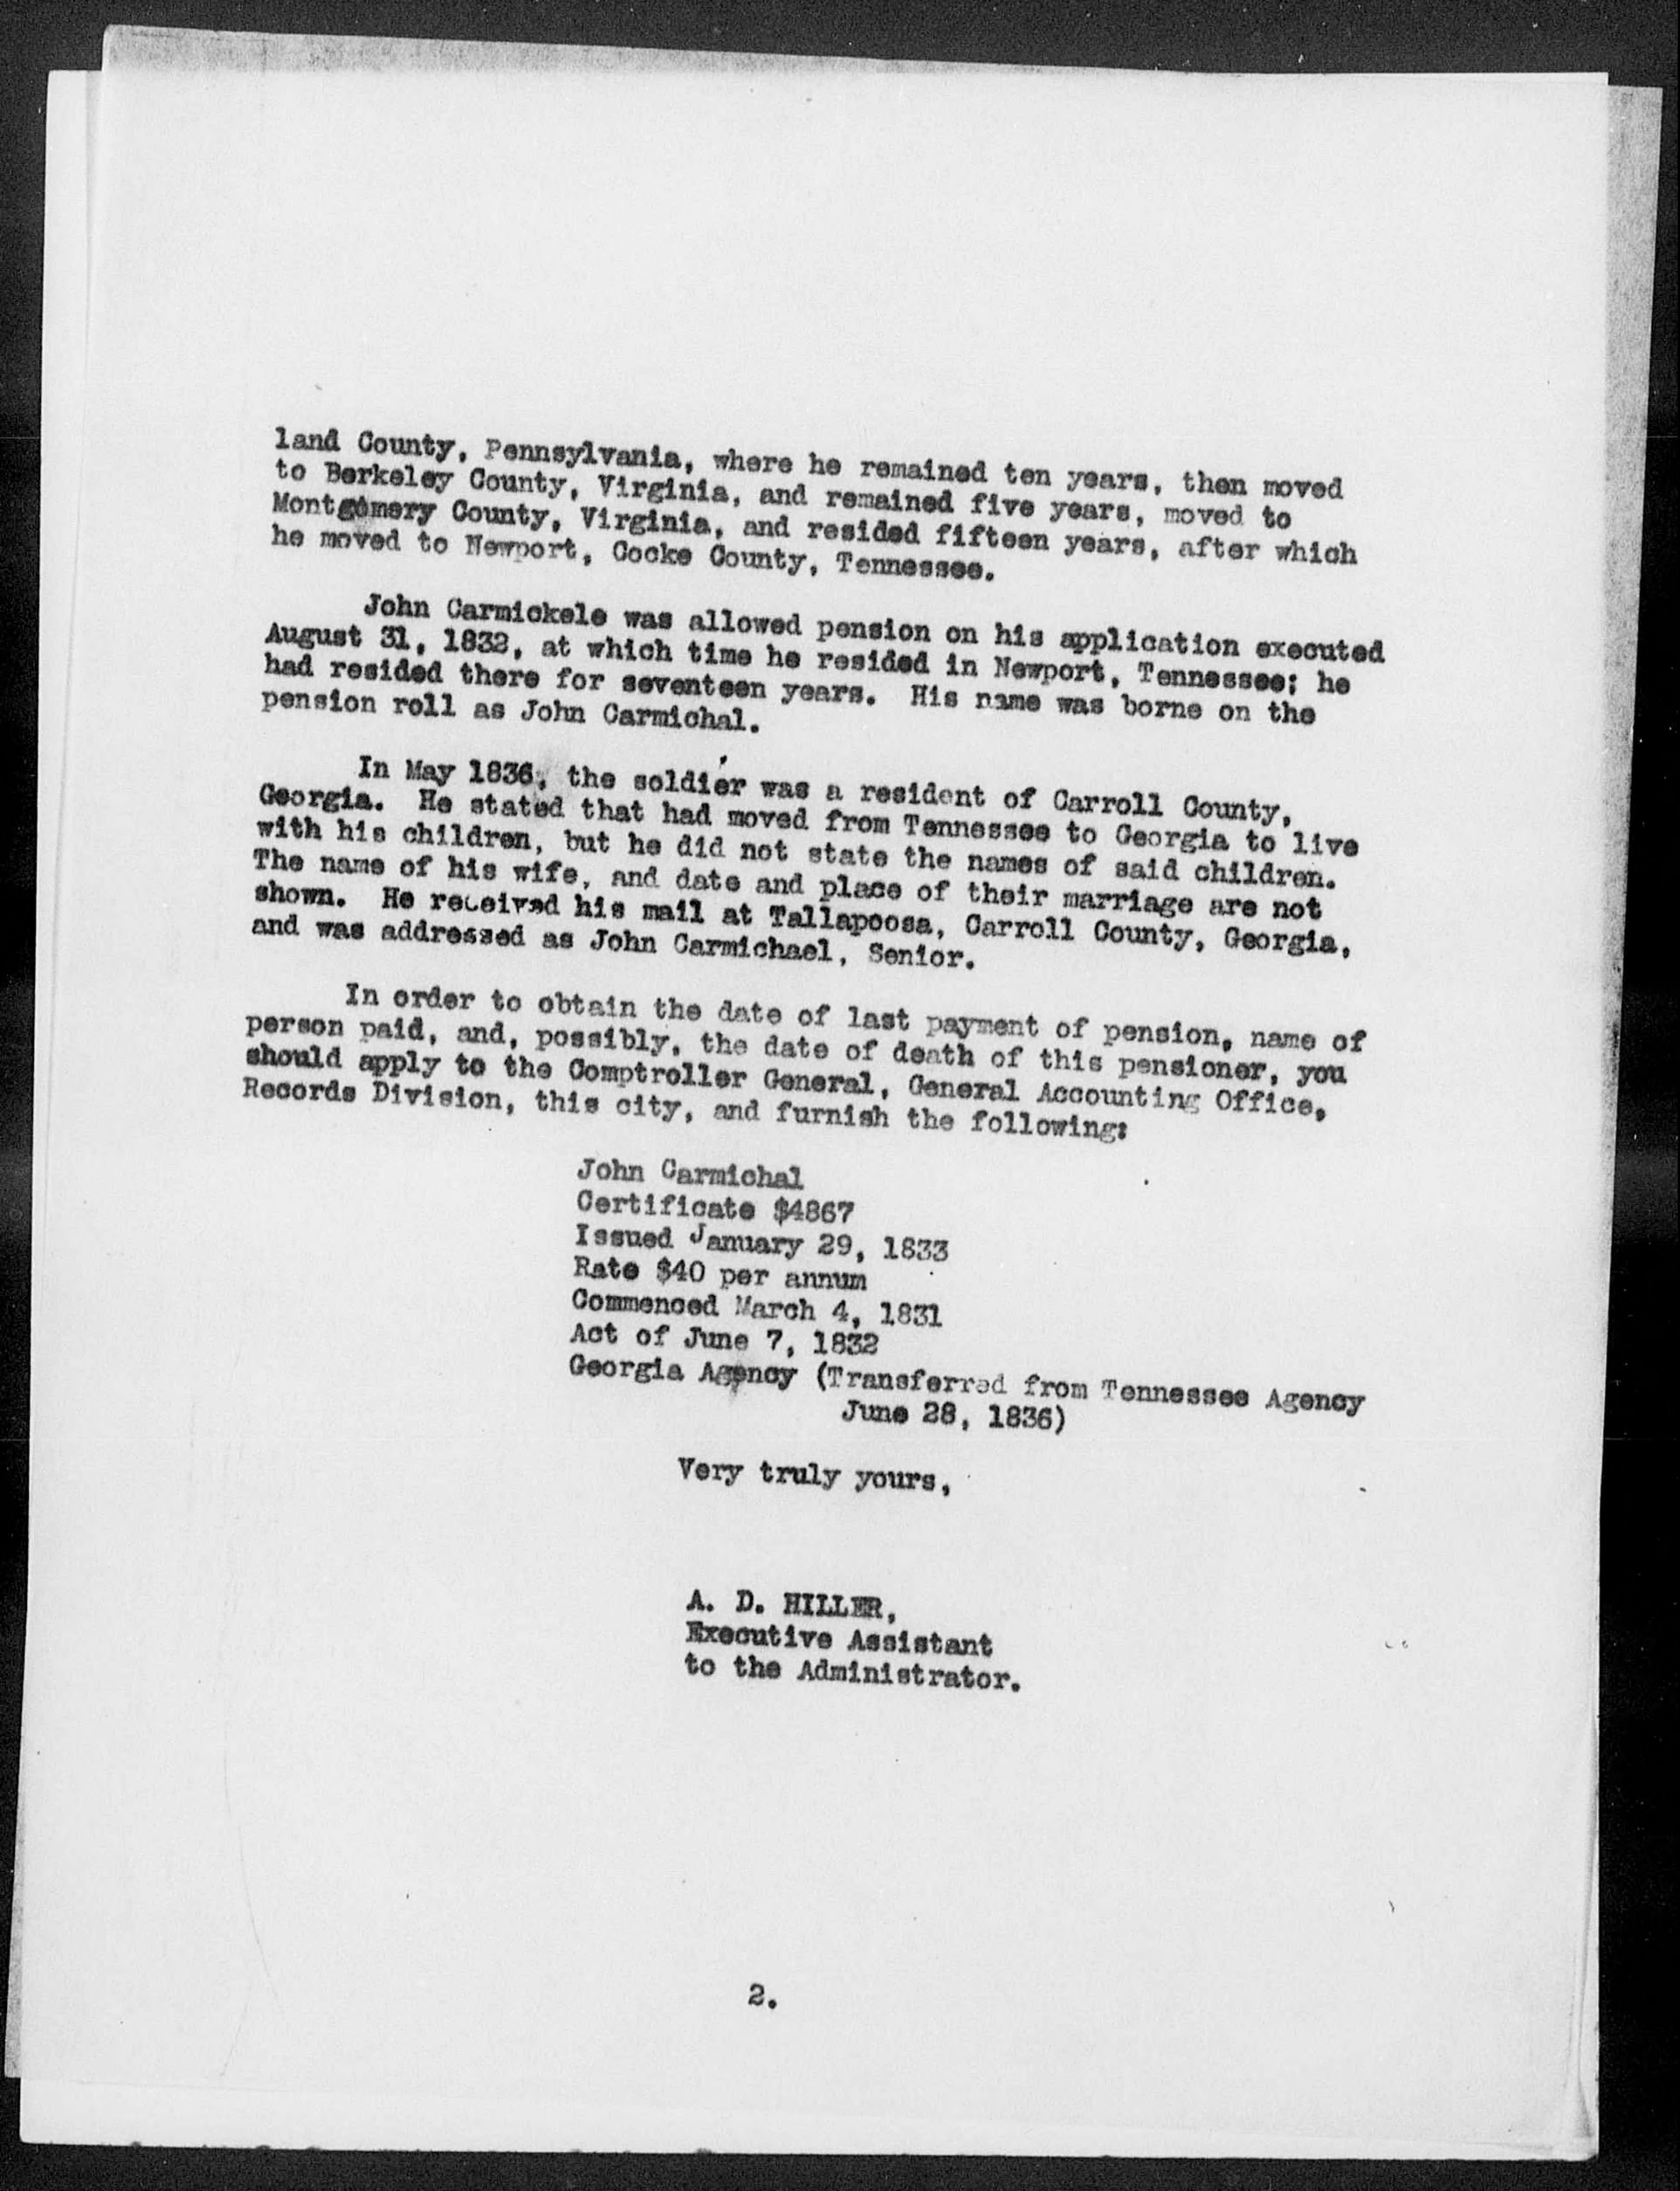land County, Pennsylvania, where he remained ten years, then moved to Berkeley County, Virginia, and remained five  years, moved to Mongomery County, Virginia, and resided fifteen years, after which he moved to Newport, Cooke County Tennessee.
John Carmickele was allowed pension on his application executed August 31, 1832, at which time he resided in Newport, Tennessee; he had resided there for seventeen years. His name was borne on the pension roll as John Carmichal.
In May 1836, the soldier was a resident of Carroll County Georgia. He stated that he had moved from Tennessee to Georgia to live with his children, but he did not state the names of said children. The name of his wife, and date and place of their marriage are not shown. He received his mail at Tallapoosa, Carroll County, Georgia and was addressed as John Carmicahel, Senior.
In order to obtain the date of last payment of pension, name of person paid, and possibly, the date of death of this pensioner, you should apply to the Comptroller General, General Accounting Office, Records Division, this city, and furnish the following:
John Carmichal
Certificate $4867
Issued January 29, 1833
Rate $40 per annum
Commenced March 4, 1831
Act of June 7, 1832
Georgia Agency (Transferred from Tennessee Agency June 28, 1836)
Very truly yours,
 A.D. Hiller
Executive Assistant to the Administrator.
   2.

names: John Carmichal, A D Hiller, John Carmichal, John Carmickele, John Carmichael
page: 10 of 42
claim: survivor's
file: S. 31,595, John Carmickele, Penn.